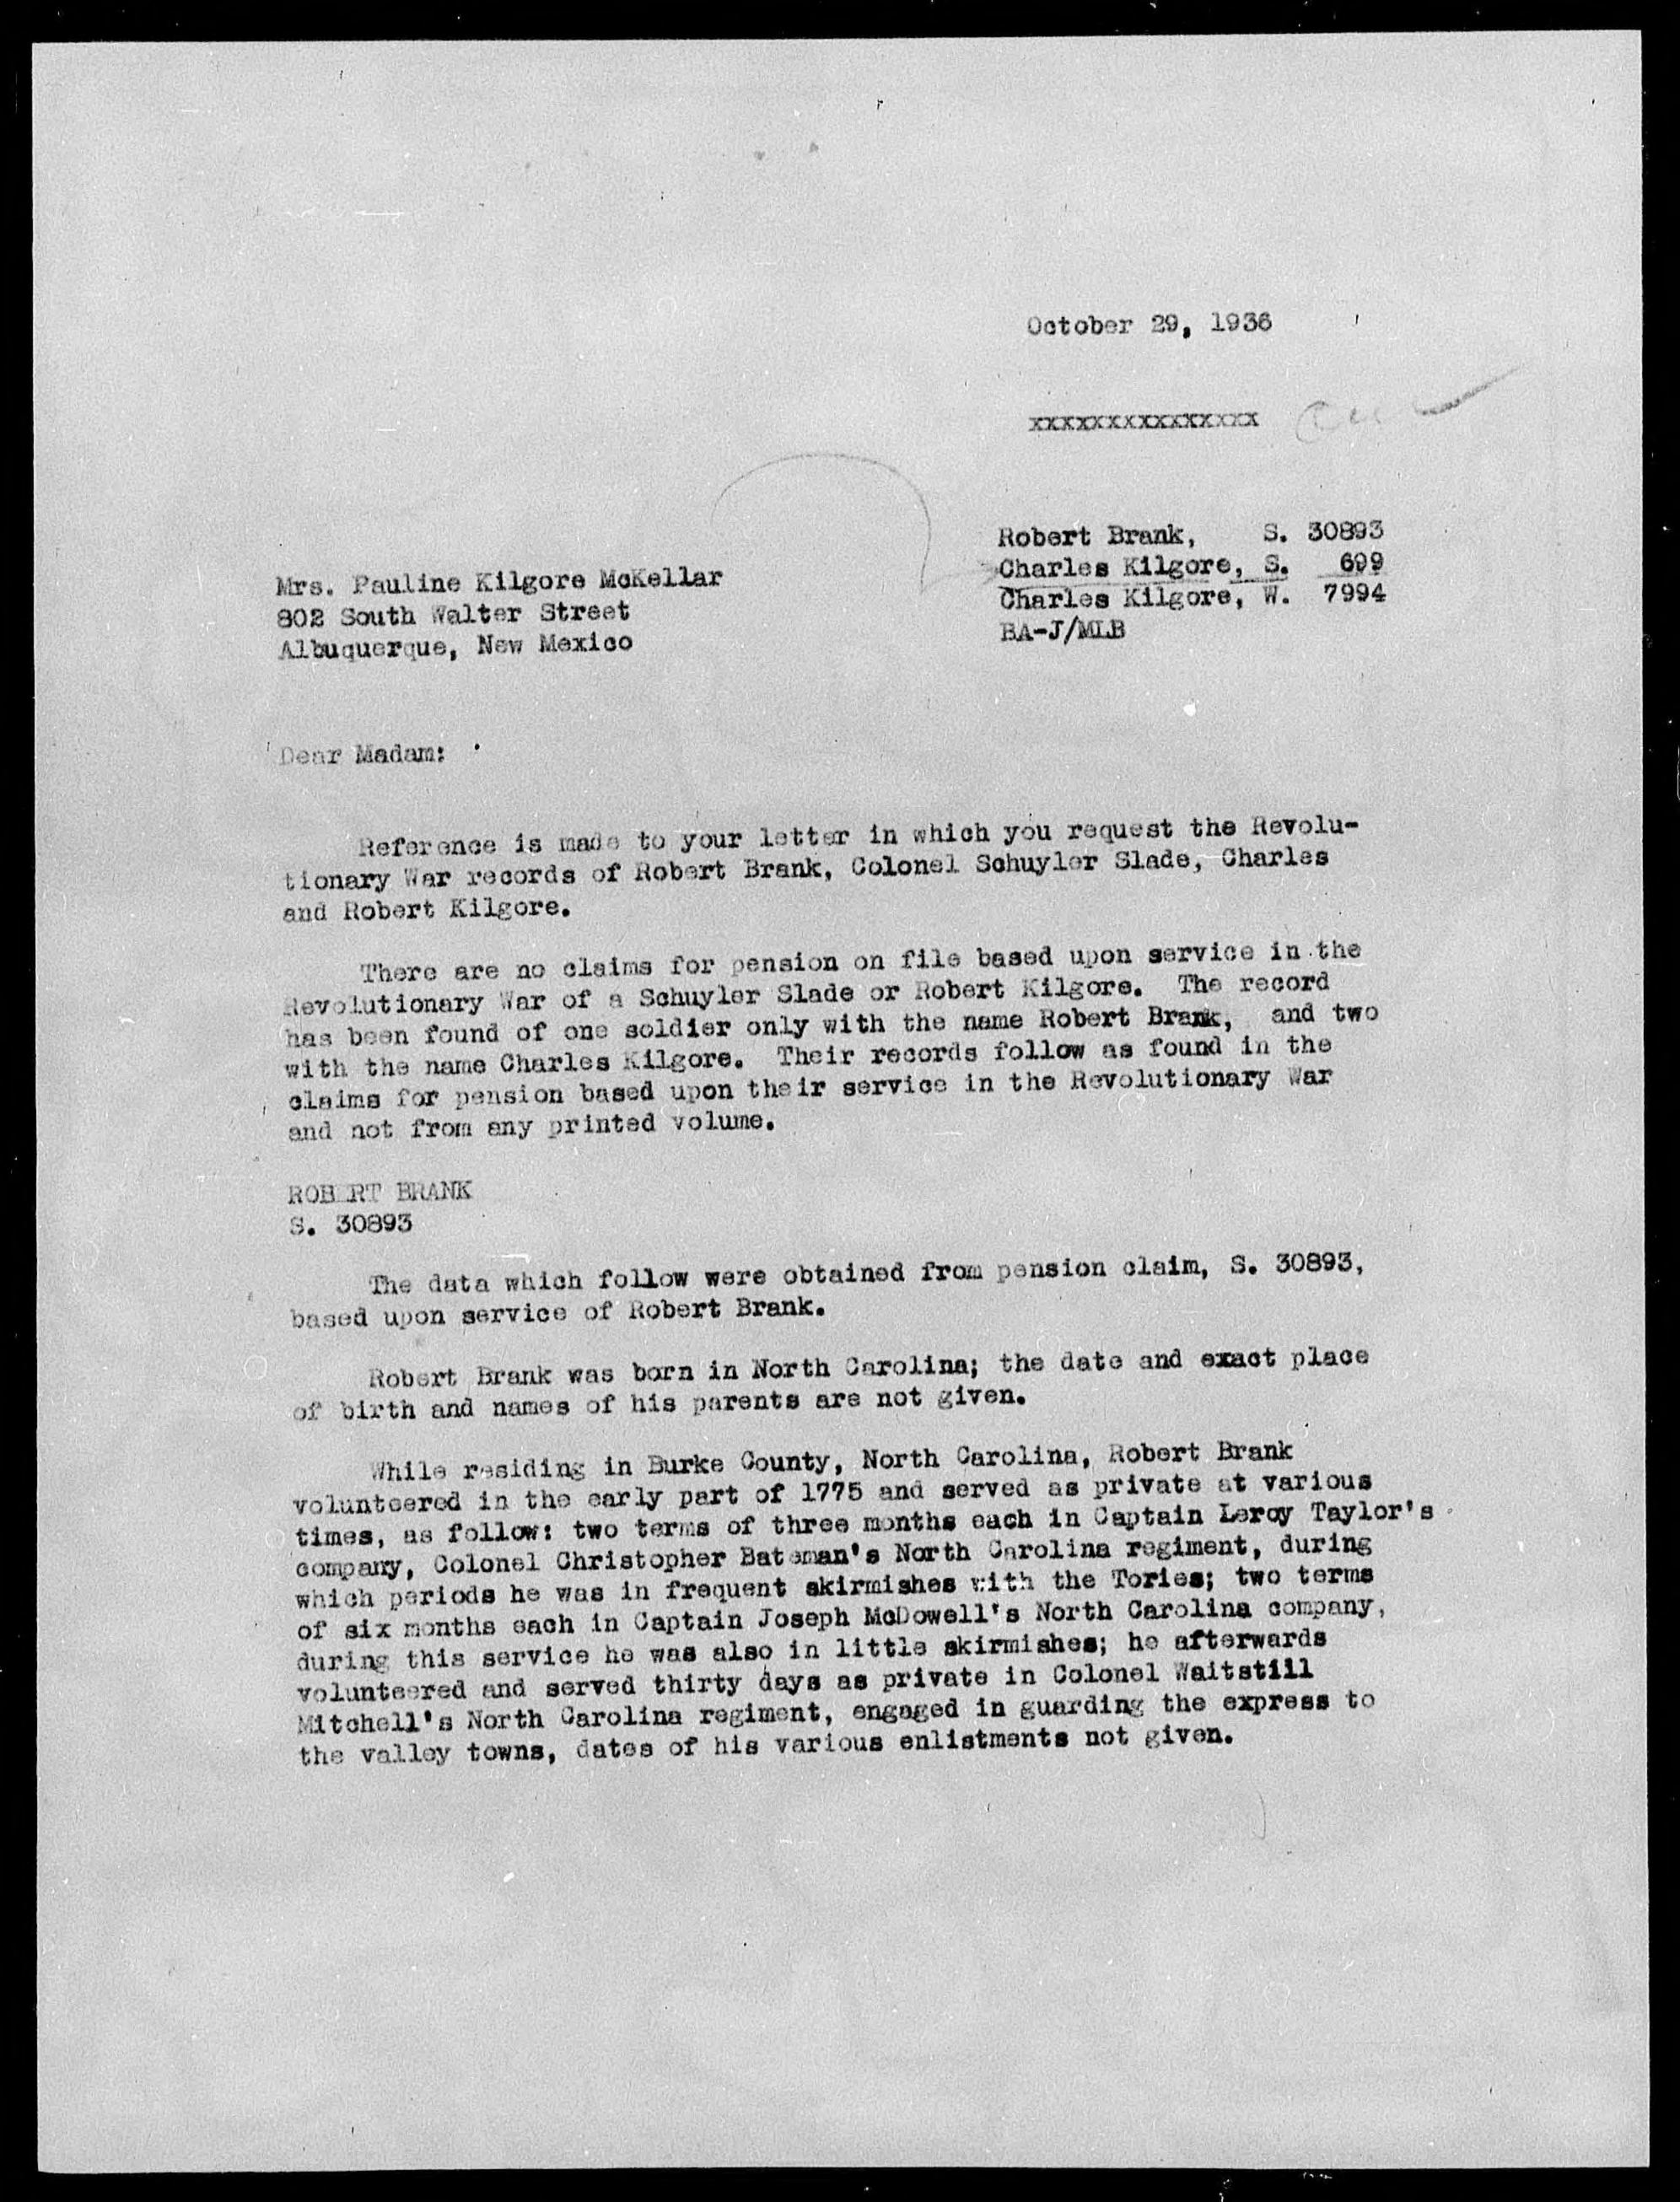October 29, 1936
Robert Brank, S. 30893
Charles Kilgore, S. 699
Charles Kilgore, W. 7994
BA-J/MLB

Mrs. Pauline Kilgore McKellar
802 South Water Street
Albuquerque, New Mexico

Dear Madam:
Reference  is made to your letter in which you request the Revolutionary War records of Robert Brank, Colonel Schuylor Slade, Charles
and Robert Kilgore.
There are no claims for pension on file based upon service in the Revolutionary War of a Schuyler Slade or Robert Kilgore. The record
has been found of one soldier only with the name Robert Brank, and two with the name Charles Kilgore. Their records follow as found in the claims for pension based upon their service in the Revolutionary War and not from any printed volume.

ROBERT BRANK
S. 30893
The data which follow were obtained from pension claim, S. 30893, based upon service of Robert Brank.
Robert Brank was born in North Carolina; the date and exact place of birth and names of his parents are not given.
While residing in Burke County, North Carolina, Robert Brank volunteered in the early part of 1775 and served as private at various times, as follow: two terms of three months each in Captain Leroy Taylor's company, Colonel Christopher Bateman's North Carolina regiment, during which periods he was in frequent skirmishes with the Tories; two terms of six months each in Captain Joseph McDowell's North Carolina company, during this service he was also in little skirmishes; he afterwards volunteered and served thirty days as private in Colonel Waitstill Mitchell's North Carolina regiment, engaged in guarding the express to the valley towns, dates of his various enlistments not given.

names: Robert Kilgore; Charles Kilgore; Schuyler Slade; Pauline Kilgore Mc Kellar; Robert Brank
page: 38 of 115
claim: survivor's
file: S. 699, for Charles Kilgore, Virginia